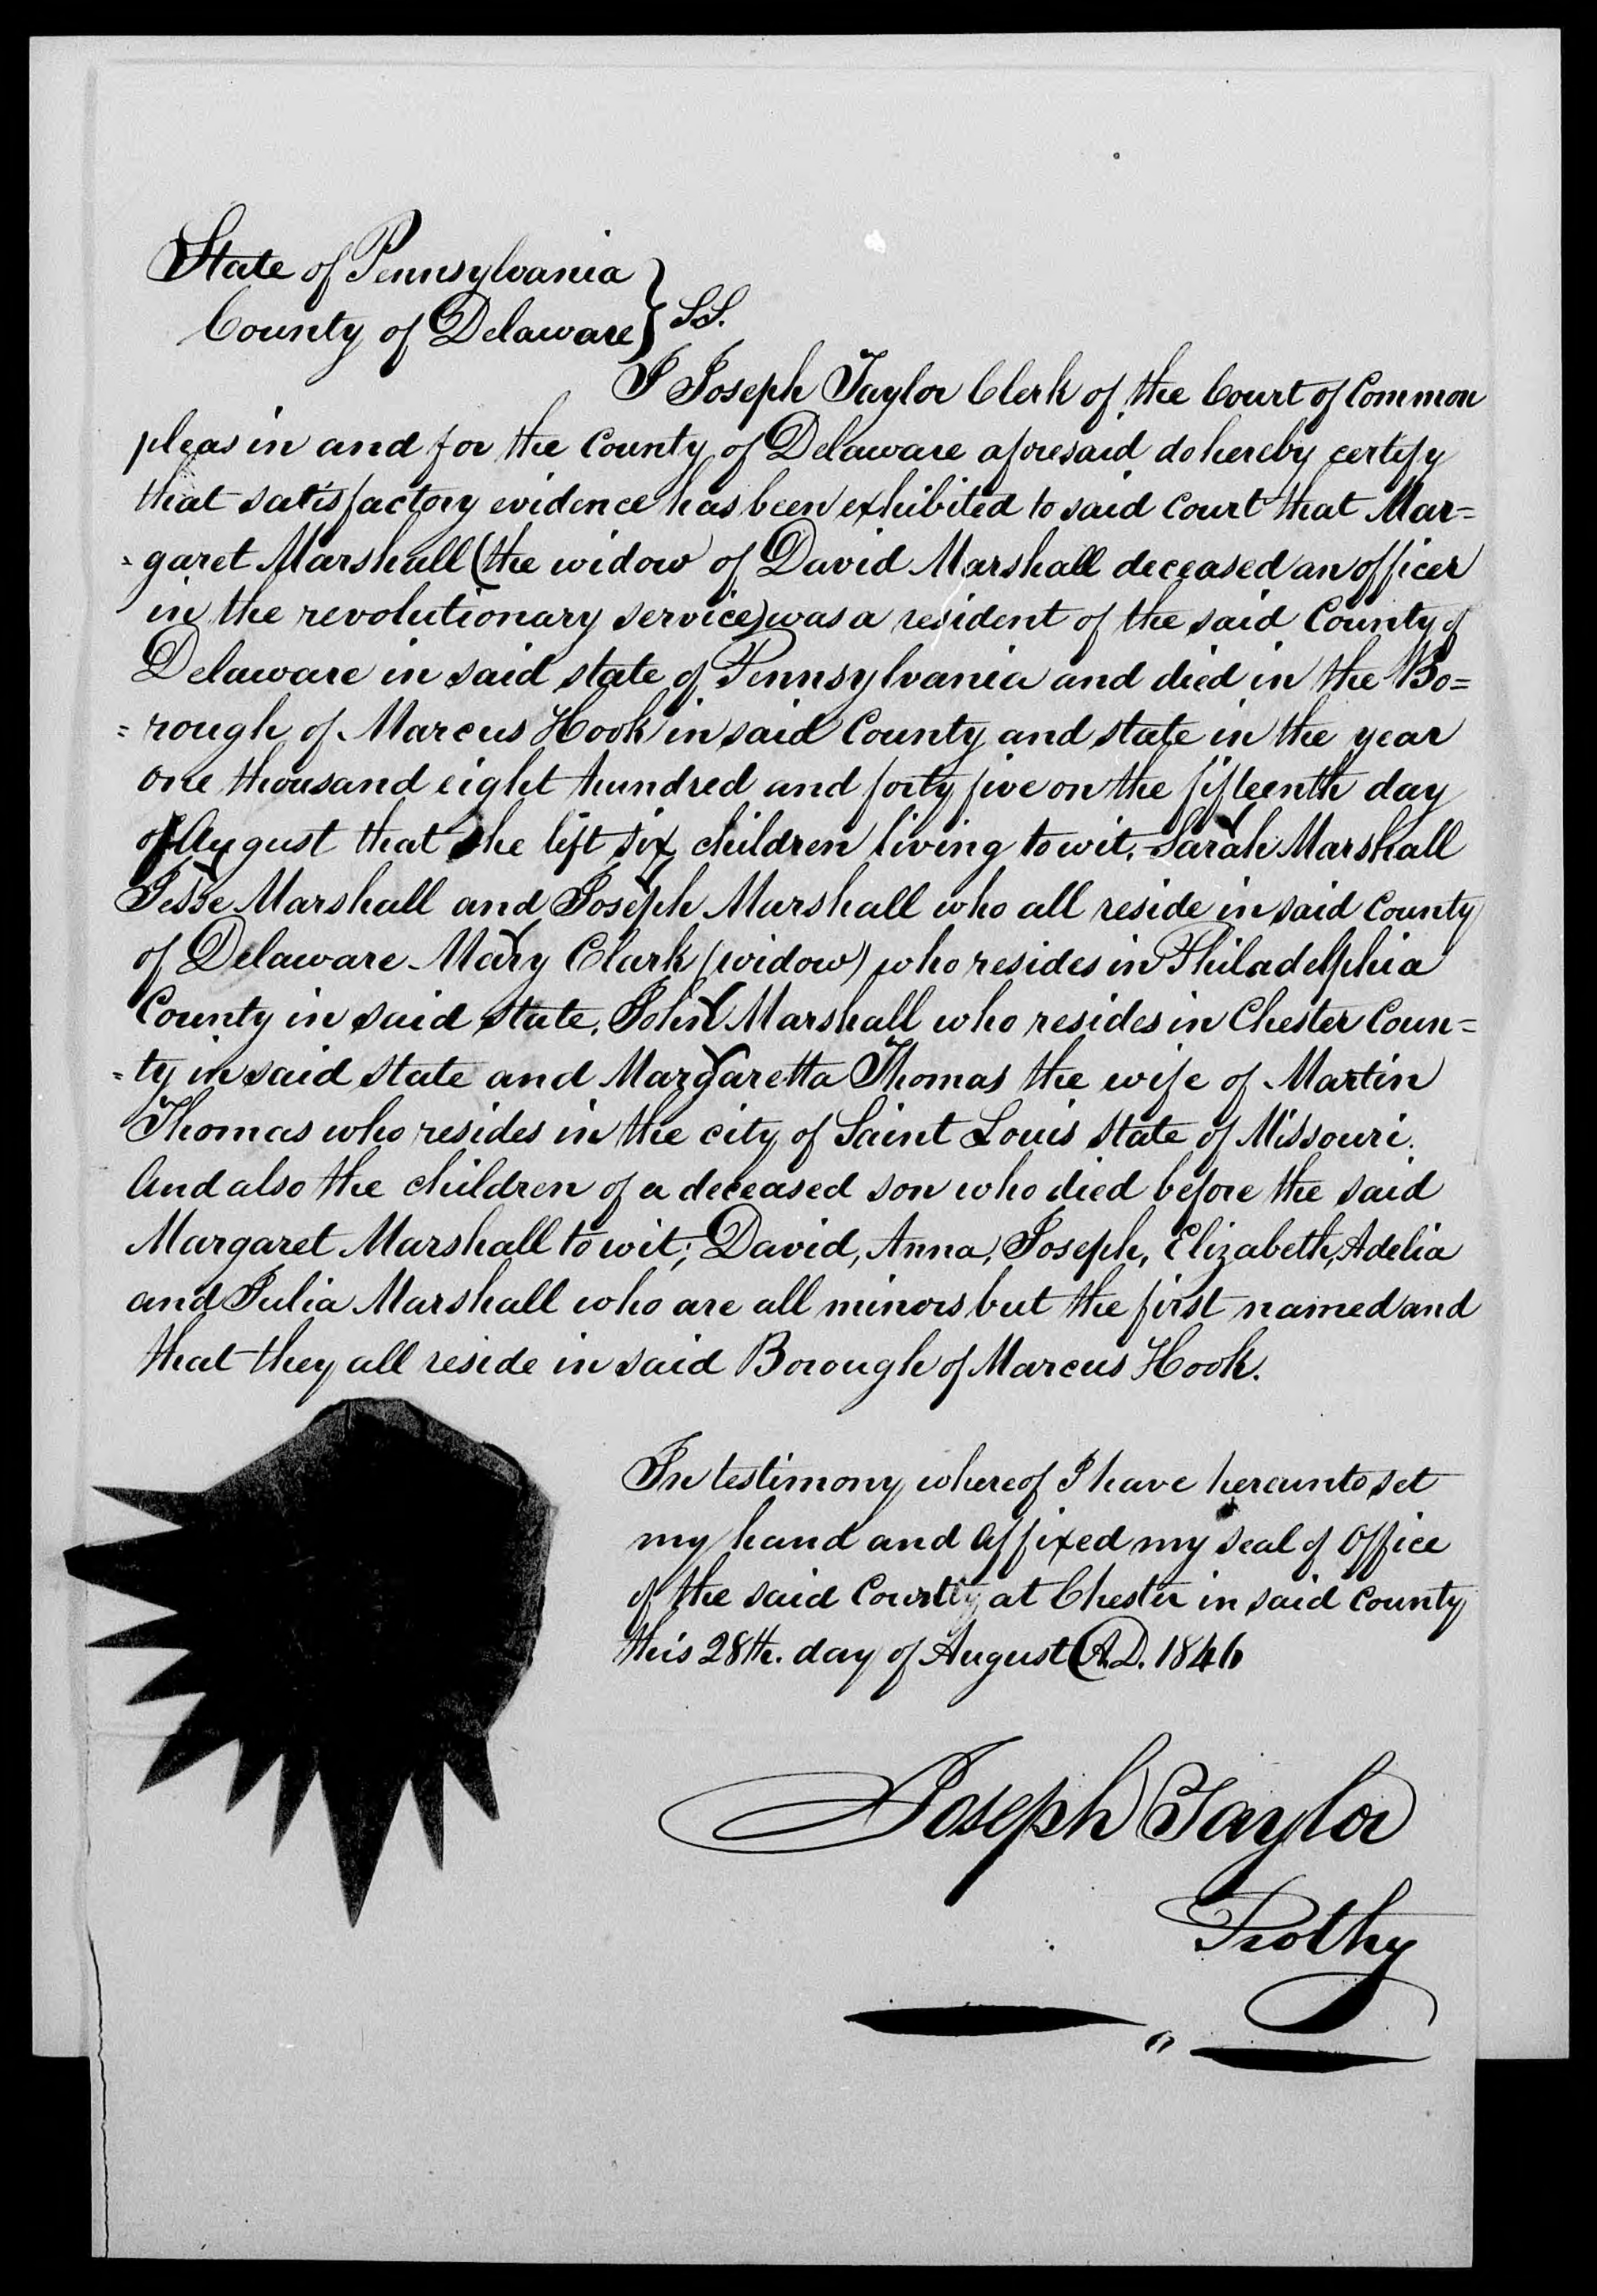State of Pennsylvania
County of Delaware
I Joesph Taylor Clerk of the Court of Common Pleas in and for the County of Delaware aforesaid do hereby certify that satisfactory evidence has been exhibited to said Court that Margaret Marshall (the widow of David Marshall deceased and officer in the revolutionary service) was a resident of the said County of Delaware in said state of Pennsylvania and died in the Borough of Marcus Hook in said County and state in the year one thousand eight hundred and forty five on the fifteenth day of August that she left six children living to wit, Sarah Marshall Jesse Marshall and Joseph Marshall who all reside in said county of Delaware Mary Clark (widow) who resides in Philadelphia County in said sate, John Marshall who resides in Chester County in said state and Margaretta Thomas the wife of Martin Thomas who resides in the city of Saint Louis State of Missouri and also the children of a deceased son who died before the said Margaret Marshall to wit; David, Anna, Joseph, Elizabeth, Adelia, and Julia Marshall who are all minors but the first named and that they all reside in said Borough of Marcus Hook.
In testimony whereof I have here unto set my hand and affixed my seal of Office of the said County at Chester in said county this 28th day of August AD. 1846
Joseph Taylor 
Prothy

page: 8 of 86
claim: widow's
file: W. 3571, for David Marshall, Pennsylvania